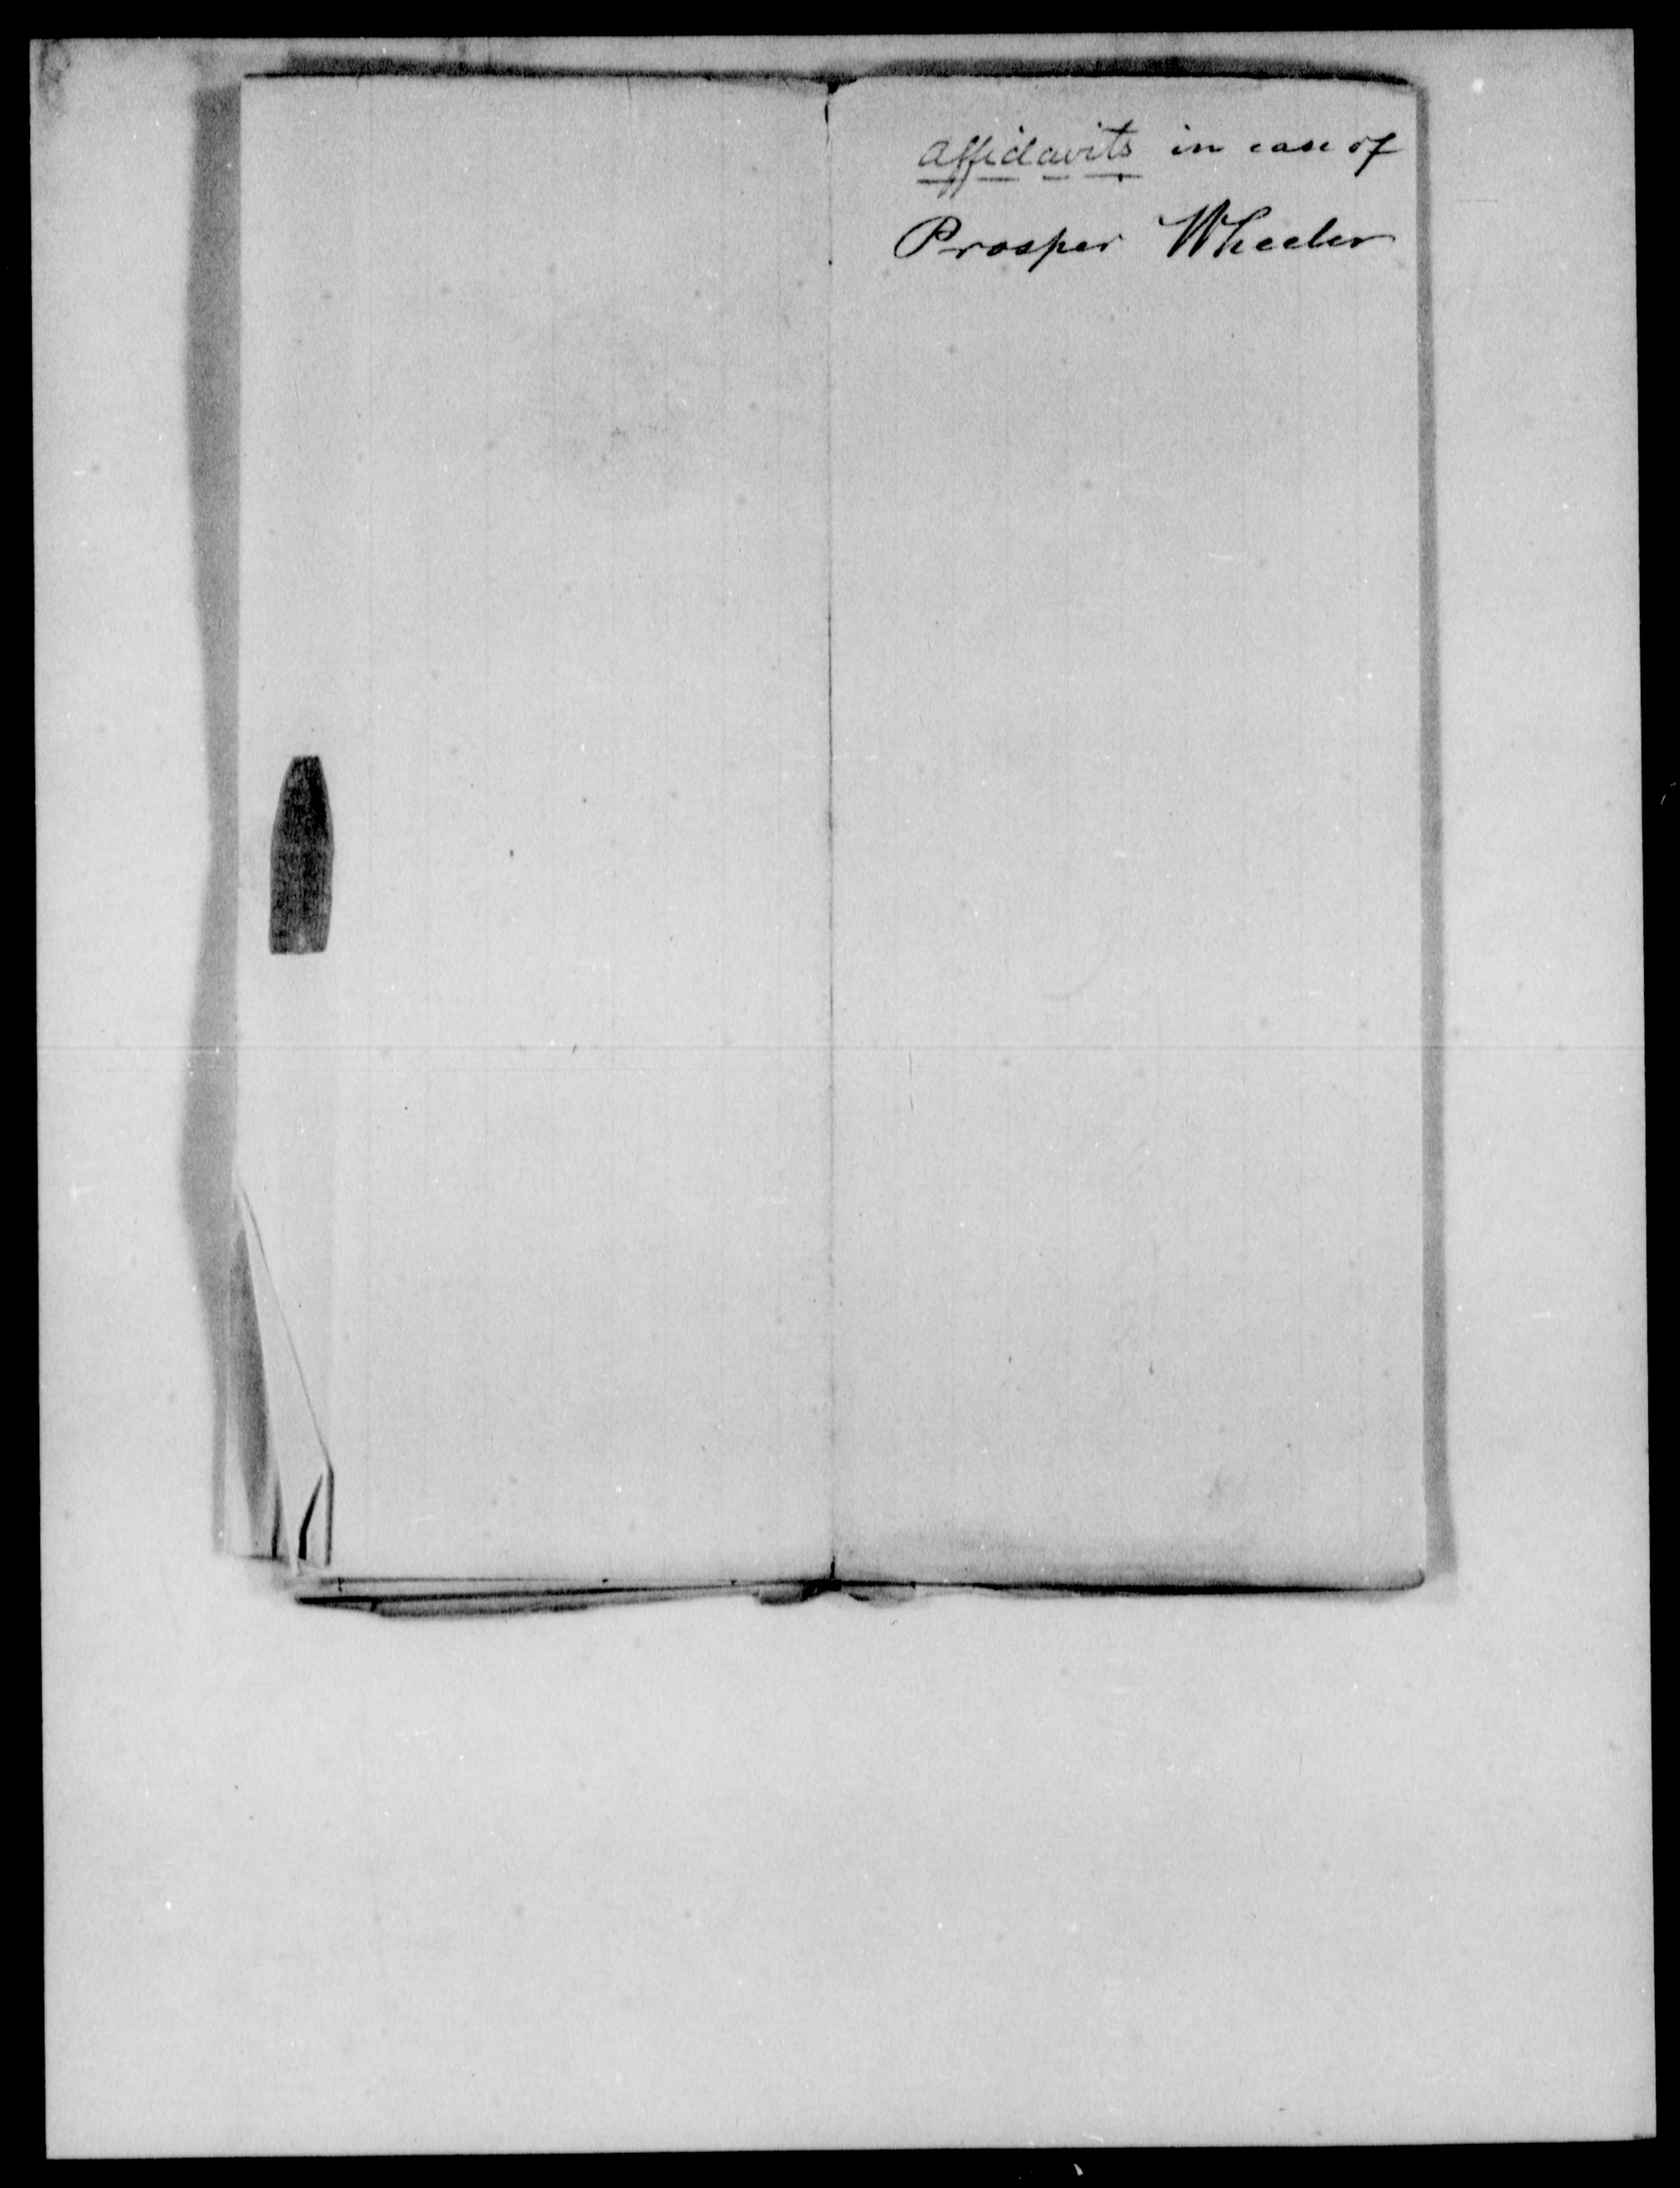Affidavits in case of
---
Prosper Wheeler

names: Prosper Wheeler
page: 10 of 29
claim: widow's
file: W. 22604, Prosper Wheeler, Conn.